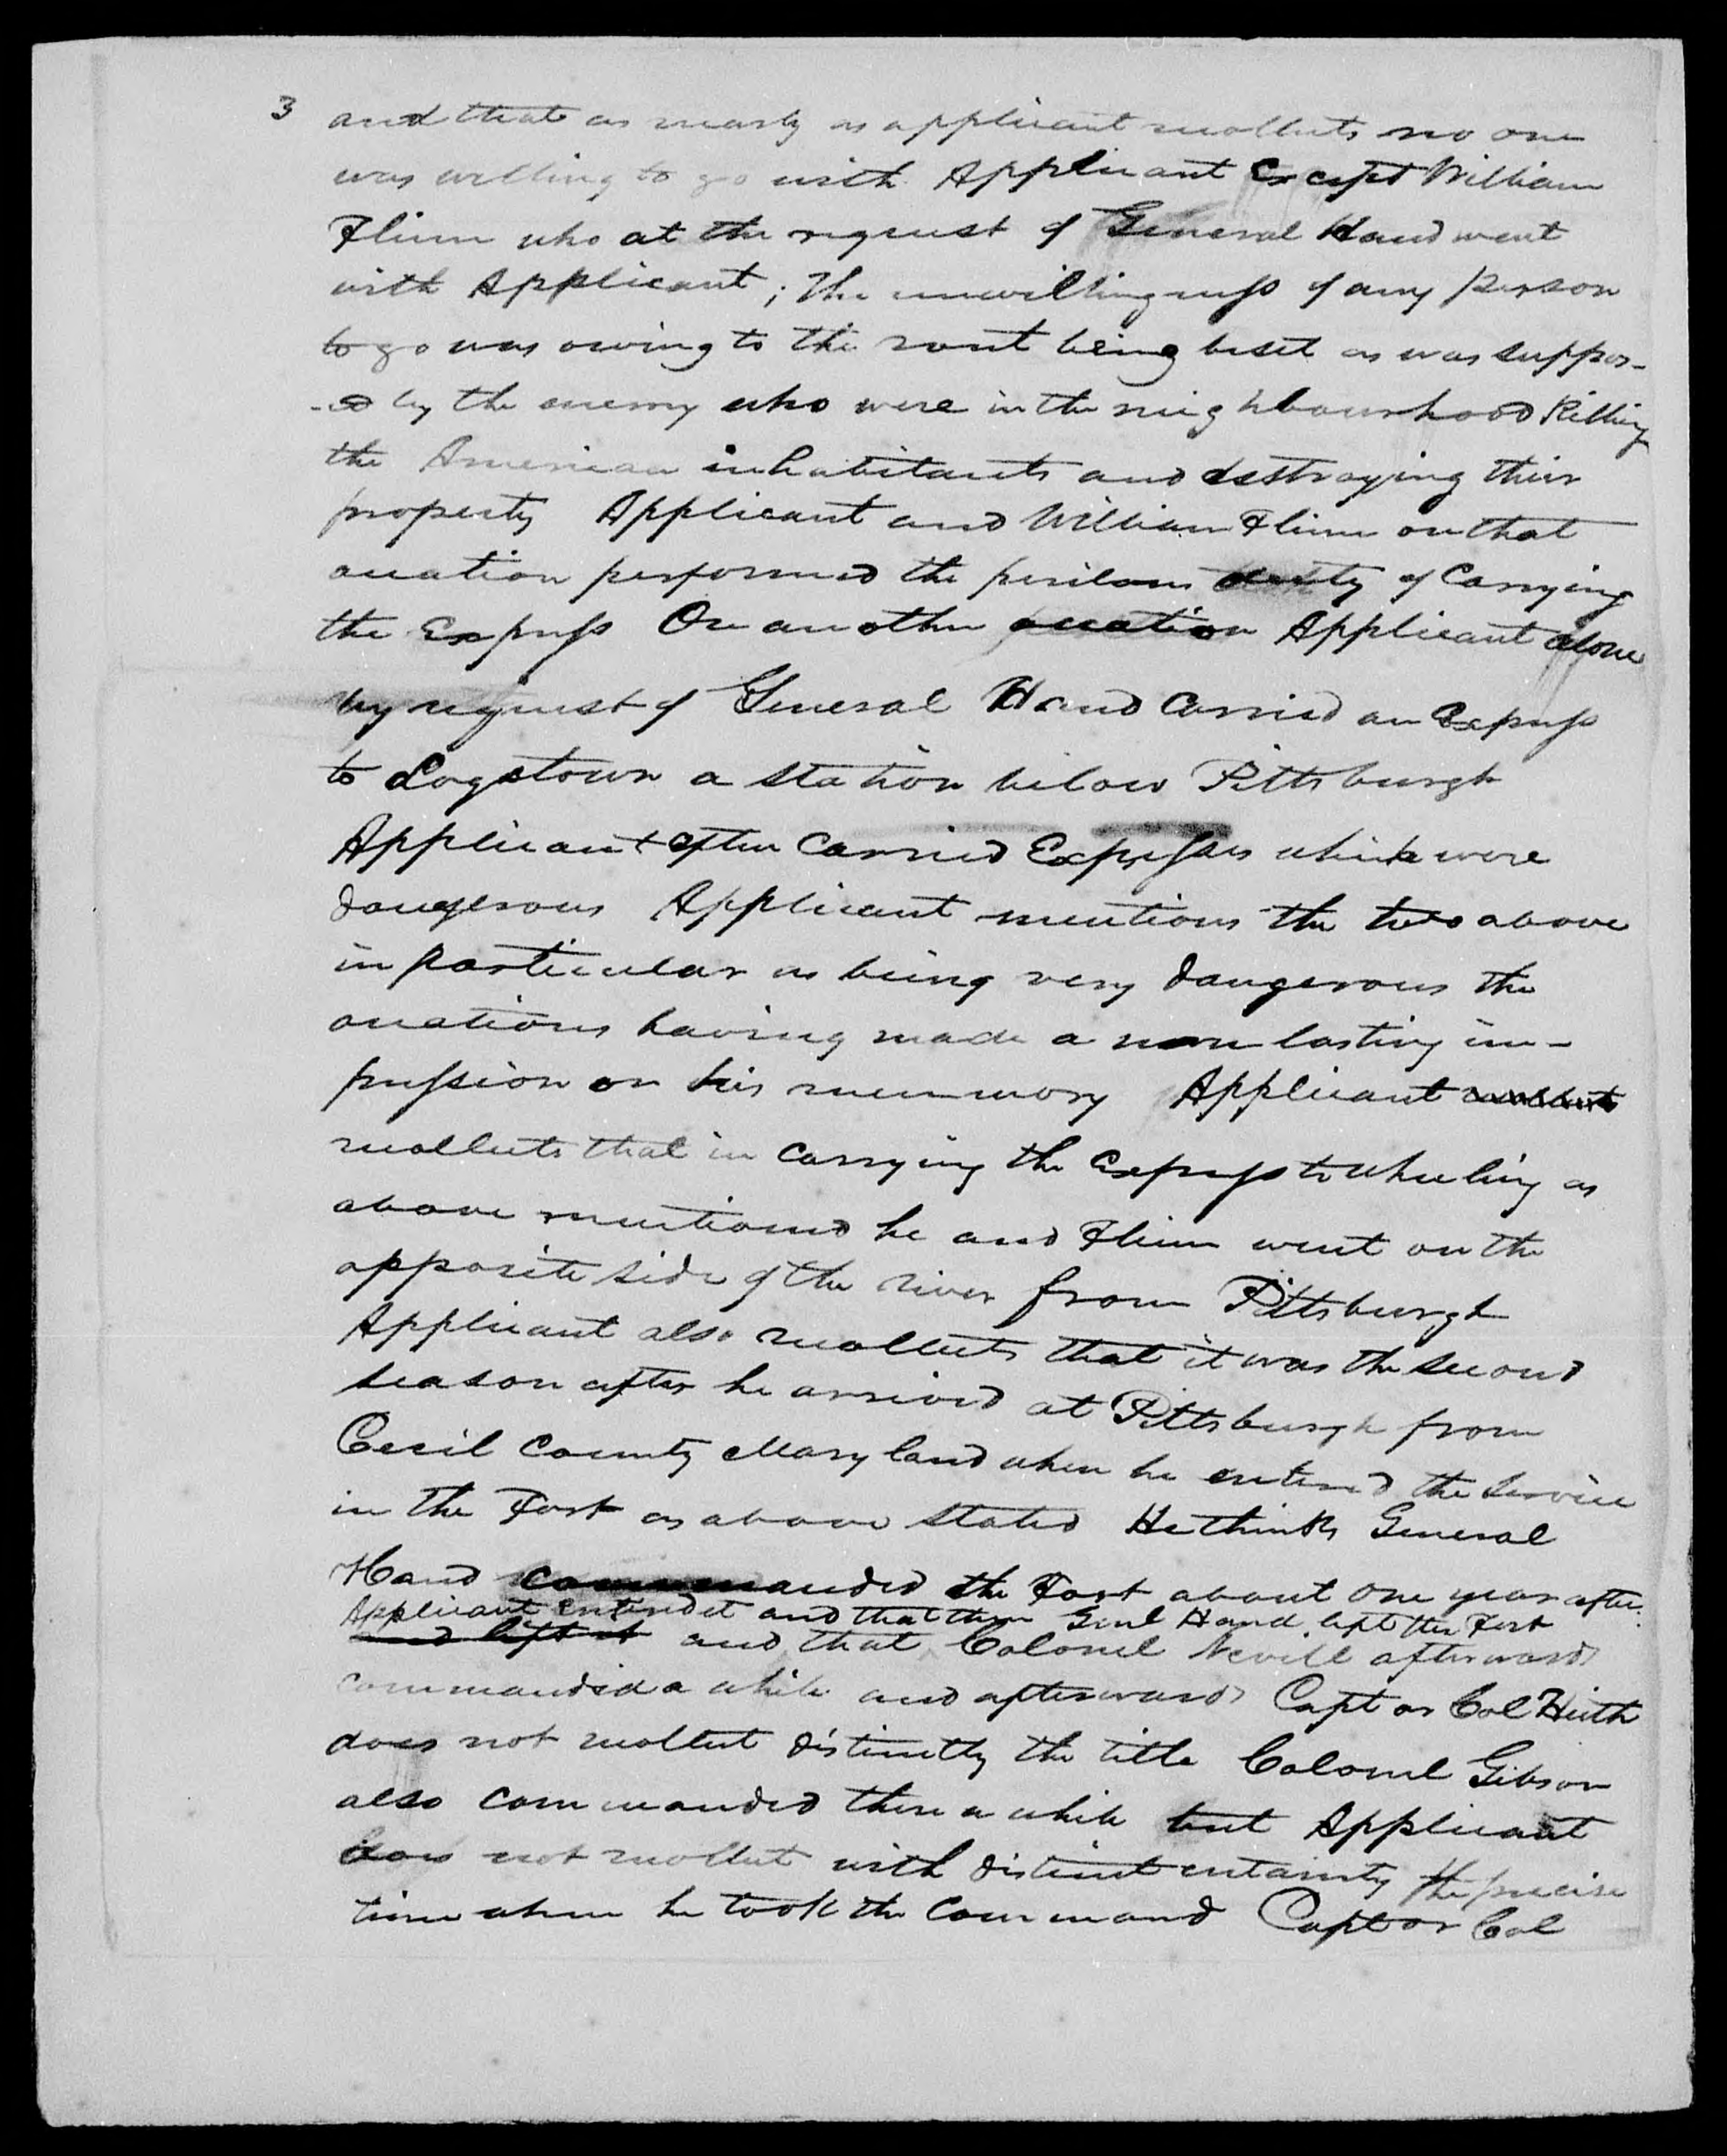3
and that as many as applicant recollects no one was willing to go with Applicant Except William Flinn who at the request of General Hand went with Applicant; The unwillingness of any person to go was owing to the fort being beset as was supposed by the enemy who were in the neighbourhood killing the American inhabitants and destroying their property  Applicant and William Flinn on that occation [sic] performed the perilous duty of carrying the Express  On another occation [sic] Applicant alone by request of General Hand carried an Express to Logstown a station below Pittsburgh  Applicant often carried Expresses which were dangerous  Applicant mentions the two above in particular as being very dangerous the occations [sic] having made a more lasting impression on his memory  Applicant recollects that in carrying the Express to Wheeling as above mentioned he and Flinn went on the opposite side of the River from Pittsburgh  Applicant also recollects that it was the second season after he arrived at Pittsburgh from Cecil County Maryland when he entered the service in the Fort as above stated  He thinks General Hand commanded the Fort about one year after Applicant entered it and that then Gen'l Hand left the Fort and that Colonel Nevill afterward commanded a while and afterward Capt or Col Heith does not recollect distinctly the title  Colonel Gibson also commanded there a while but Applicant does not recollect with distinct certainty the precise time when he took the command  Capt or Col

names: Flinn, William Flinn, Nevill, Hand, Hand, William Flinn, Hand, Hand, Heith, Gibson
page: 6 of 36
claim: survivor's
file: S. 31,718, James Guffey, Penn.